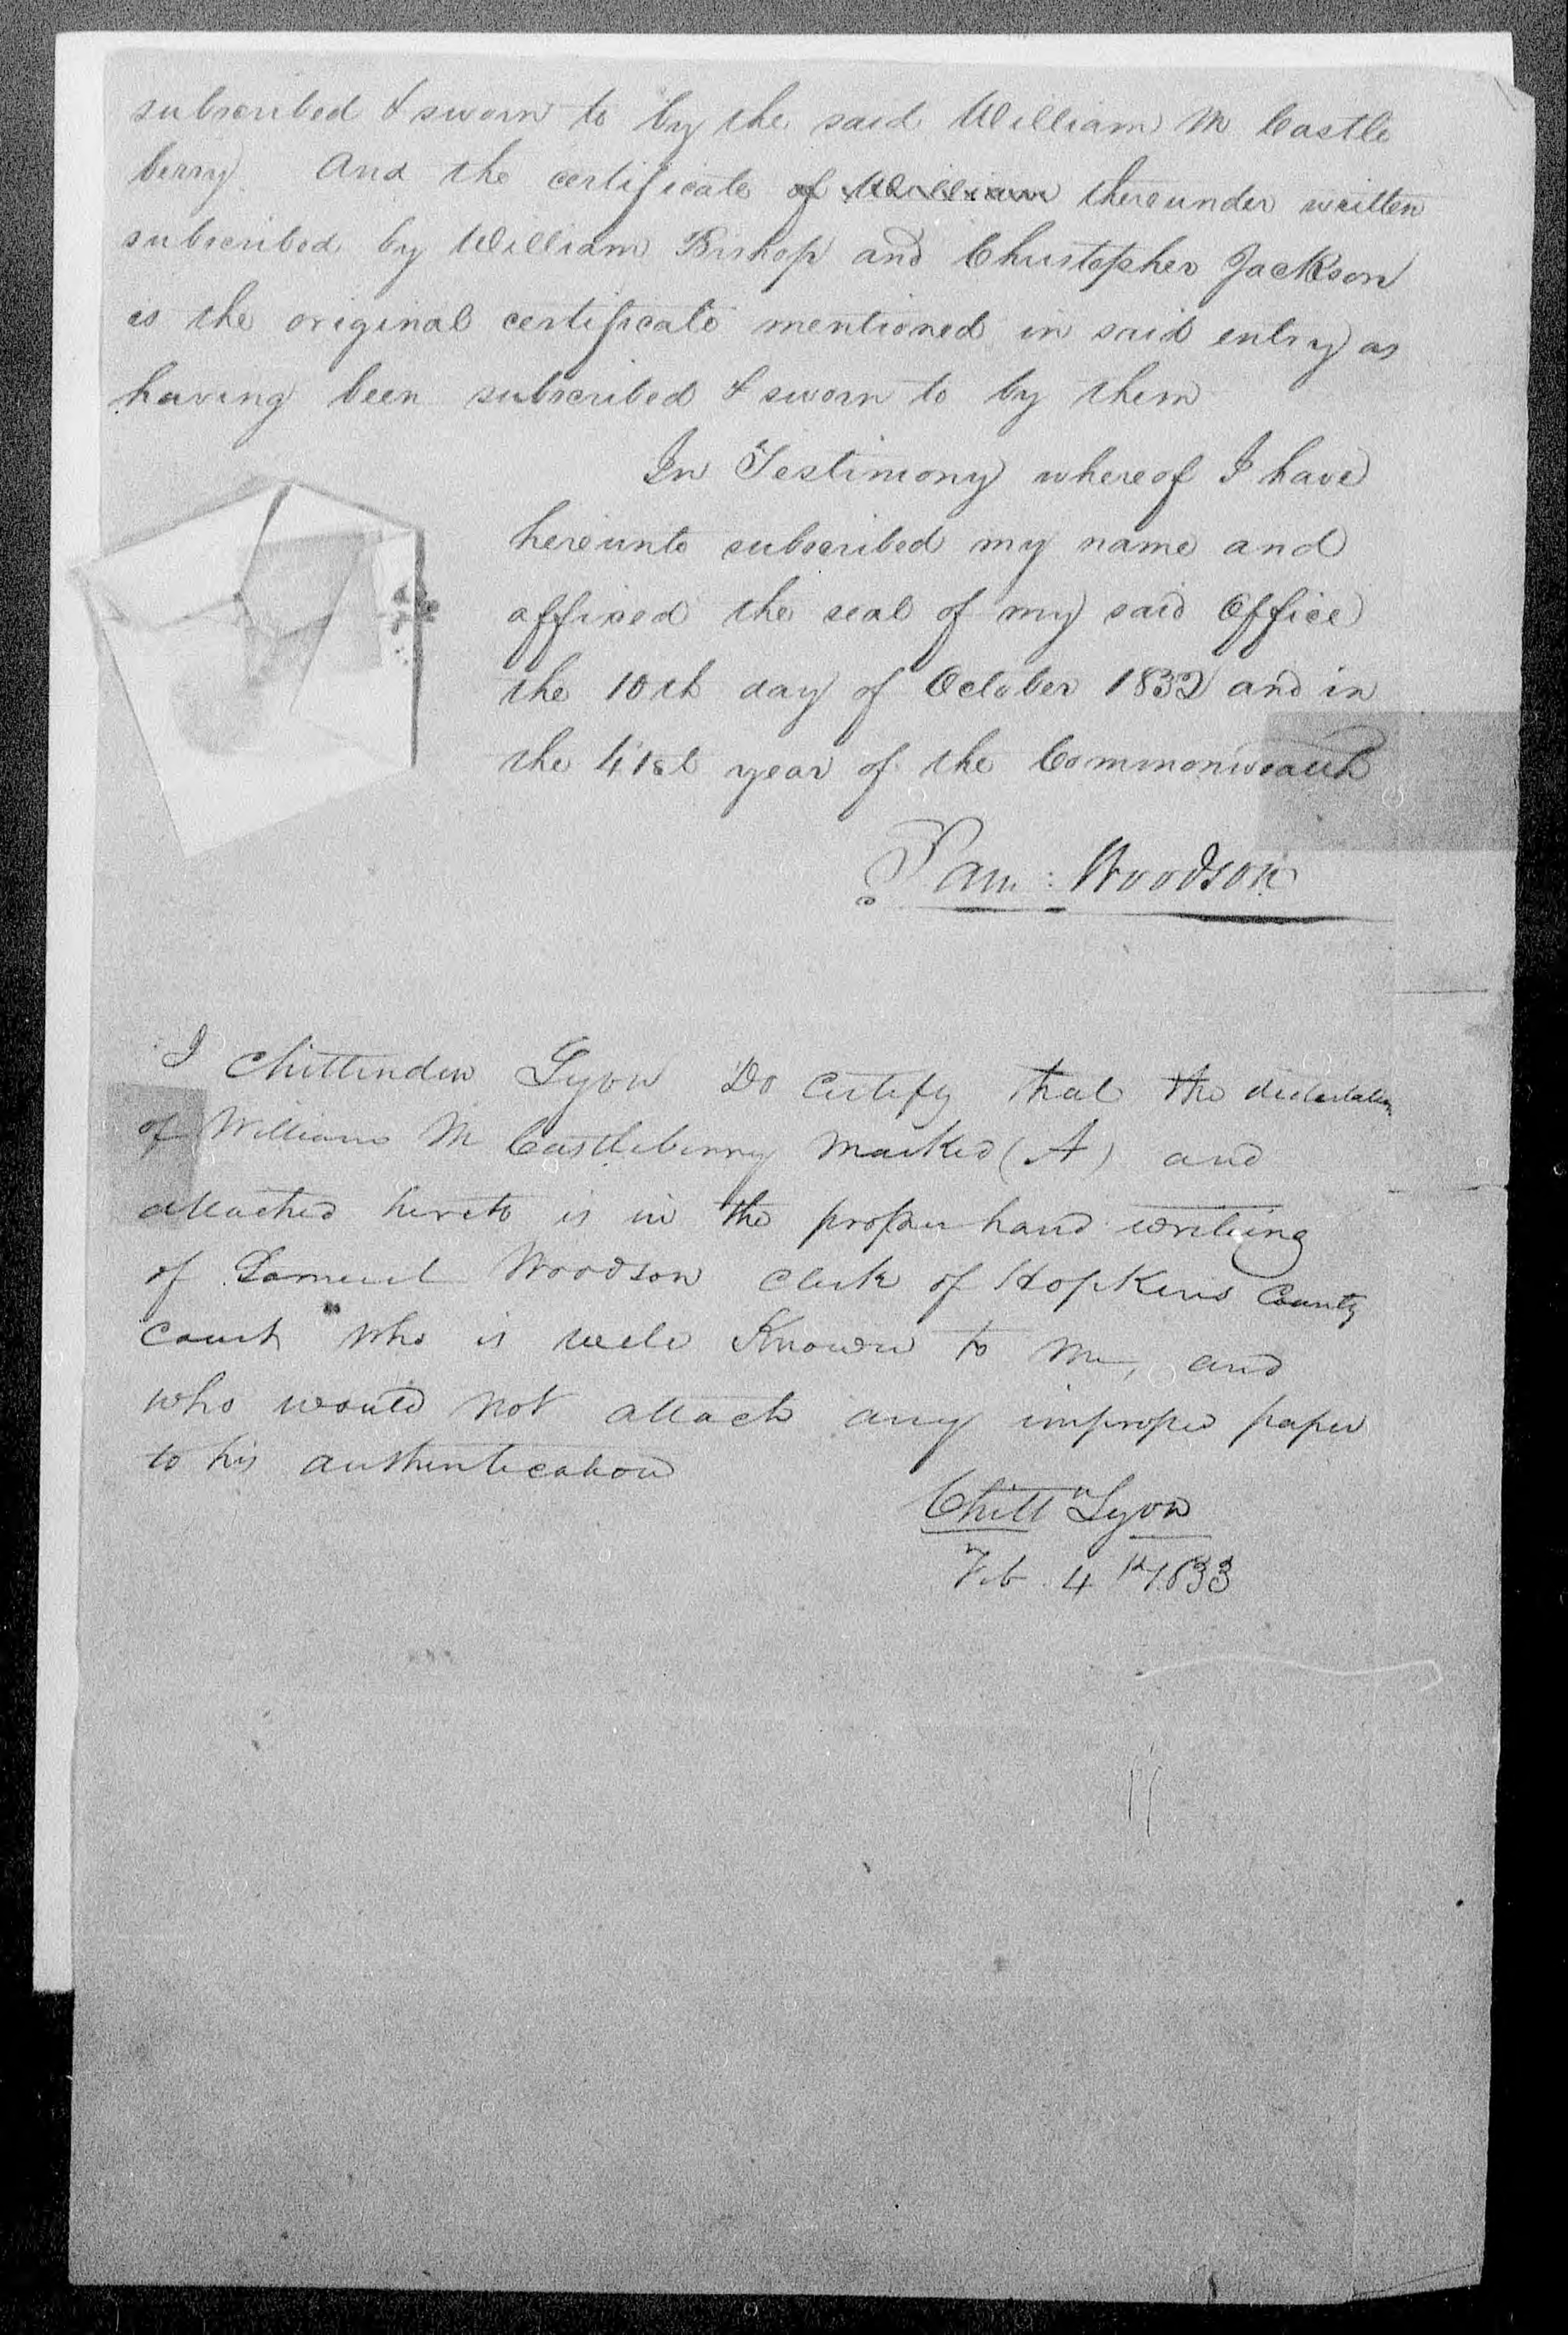subscribed & sworn to by the said William M Castleberry and the certificate thereunder written subscribed by William Bishop and Christopher Jackson is the original certificate mentioned in said entry as having been subscribed & sworn to by them
In Testimony whereof I have
hereunto subscribed my name and
affixed the seal of my said Office
the 10th day of October 1832 and in
the 41st year of the Commonwealth
Sam Woodson
[Seal affixed to left of signature]

I Chittenden Lyon Do Certify that the declaration of William M Castleberry marked (A) and attached hereto is in the proper hand writing of Samuel Woodson clerk of Hopkins County Court who is well known to me, and
who would not attach any improper paper
to his authentication
Chitt Lyon
Feb 4th 1833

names: Sam Woodson, William M Castleberry, William Bishop, Chittenden Lyon, William, William M Castleberry, Samuel Woodson, Christopher Jackson, Chill Lyon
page: 13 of 20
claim: survivor's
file: S. 16,337, William M Castleberry, Ga.